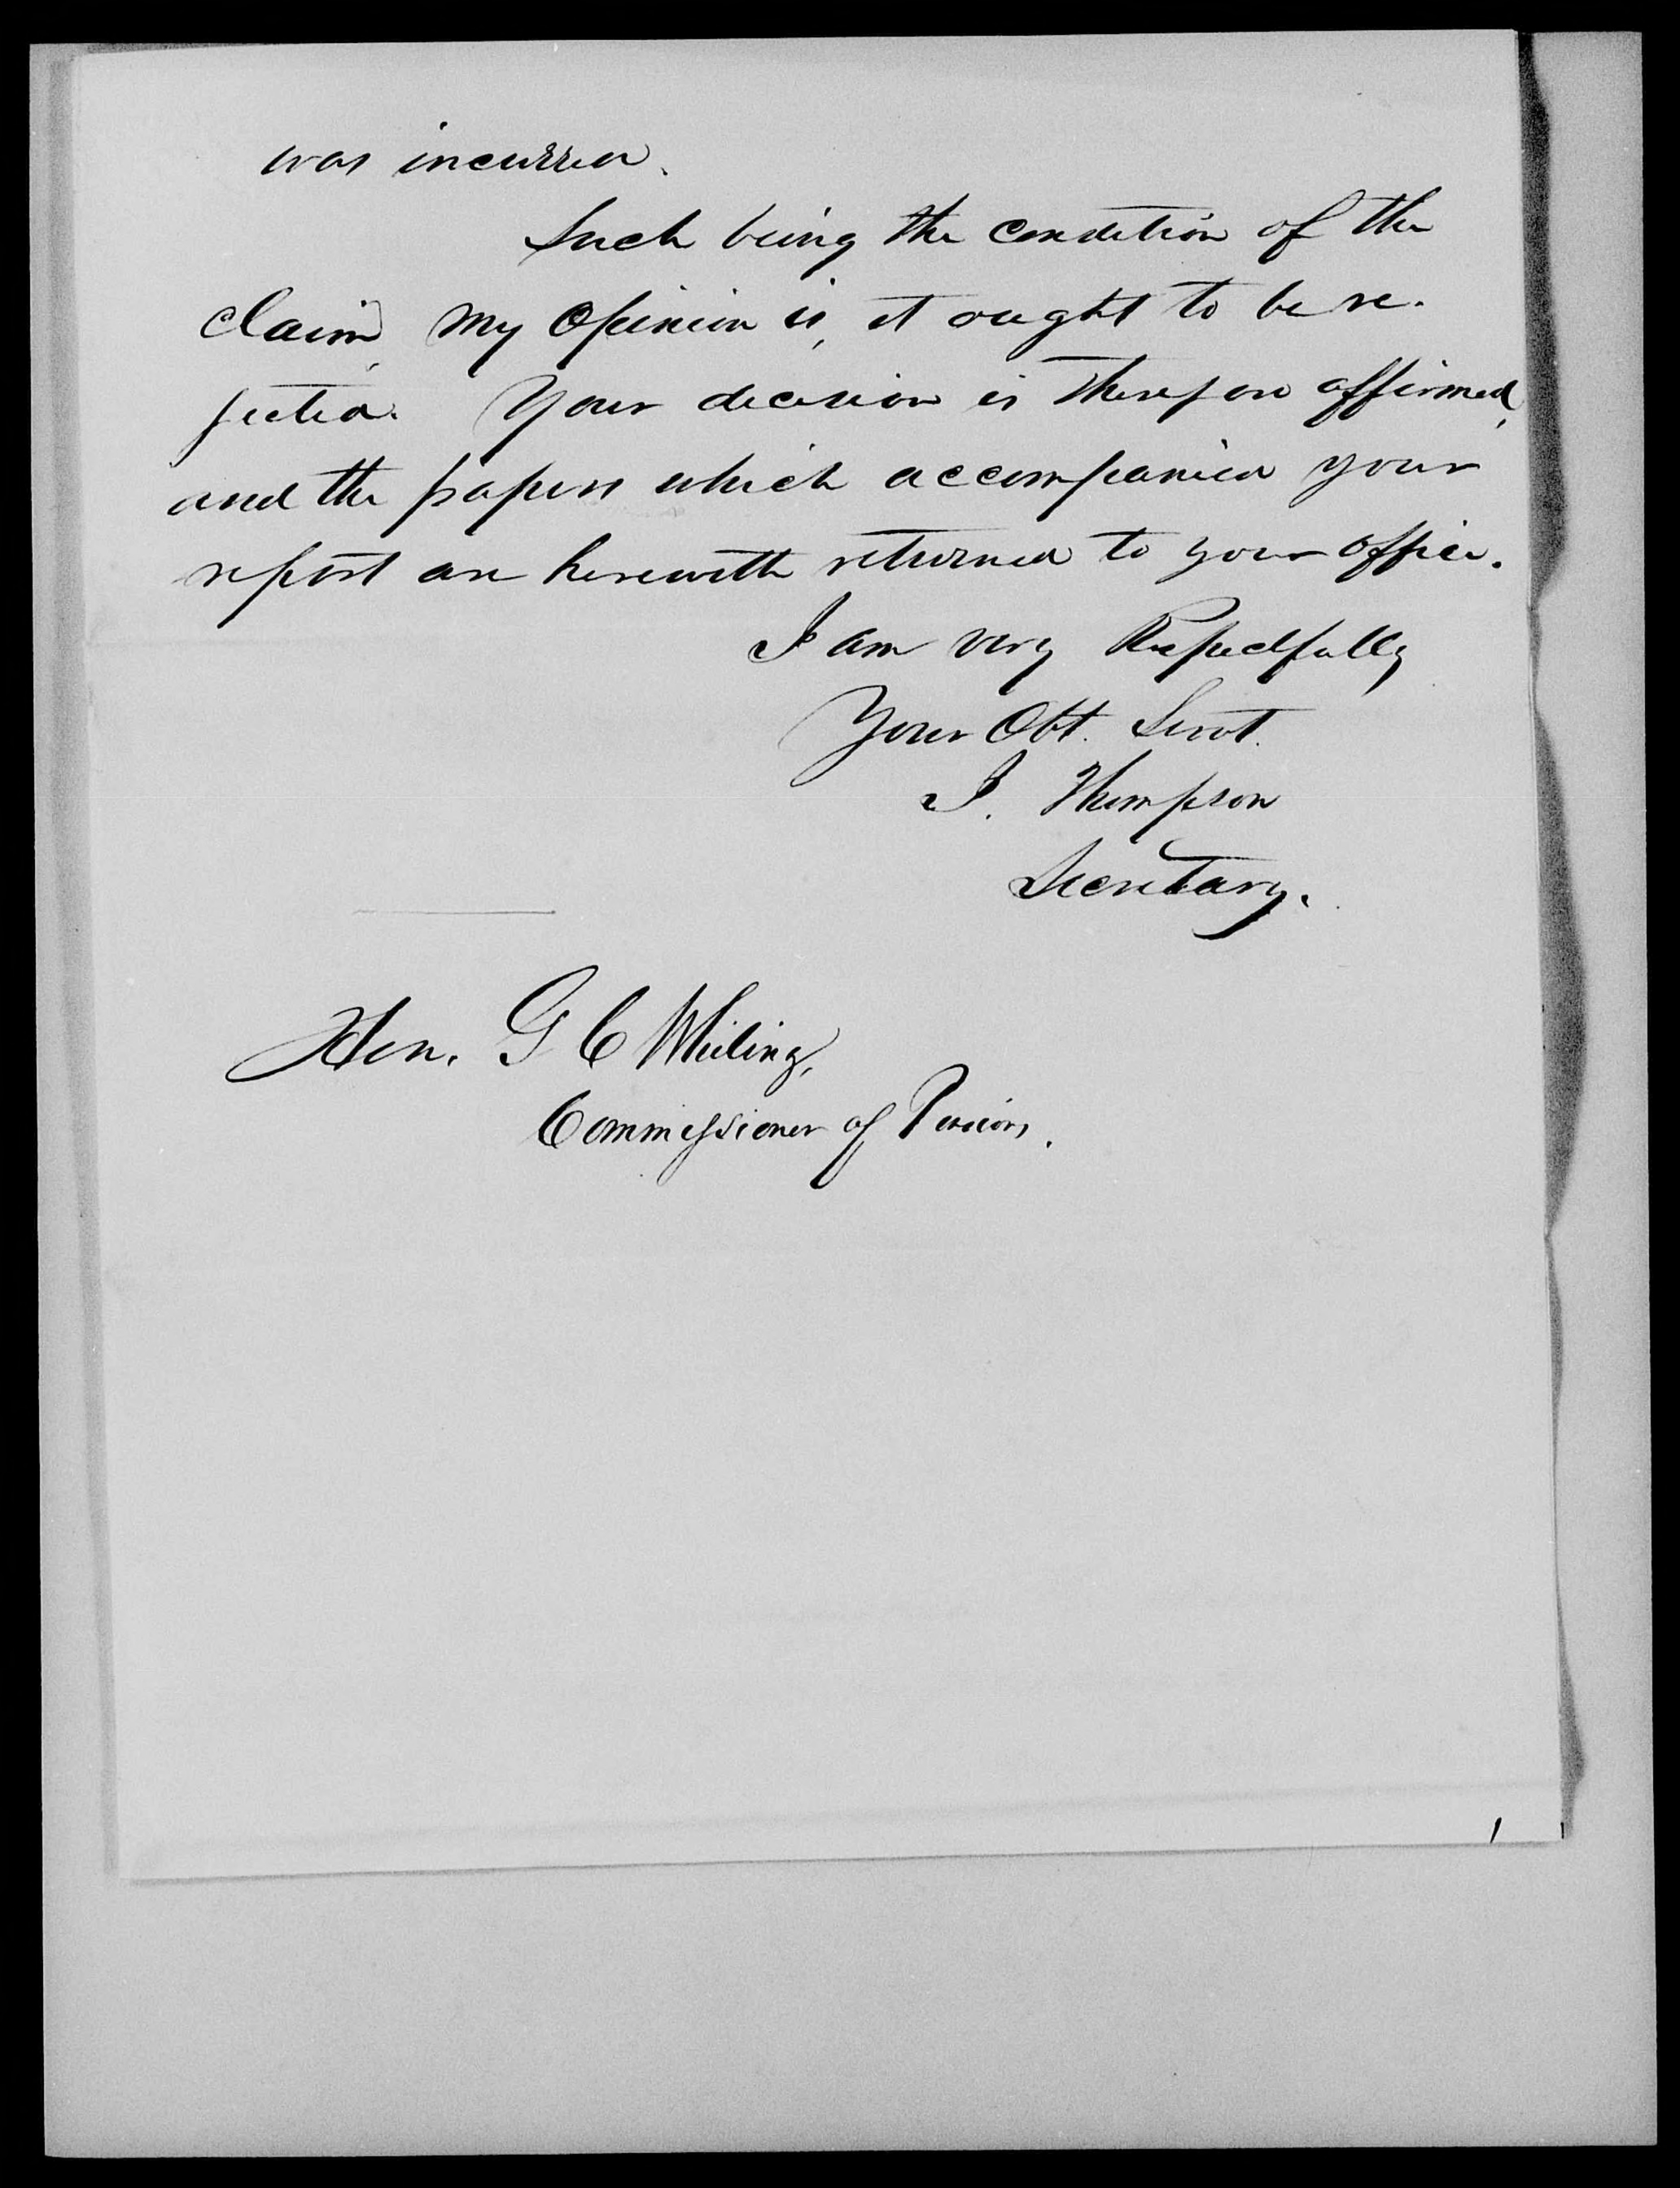was incurred.
Such being the condition of the claim my opinion is, it ought to be rejected Your decision is therefore affirmed papers which accompanied your report are herewith returned to your office.
I am very Respectfully 
Your Obt Servt 
[signed] J. Thompson 
Secretary.
Hon. G. C. Whiting, 
Commissioner of Pensions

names: G C Whiting; J Thompson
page: 28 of 44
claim: rejected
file: R. 17,033, for Joseph Perkins, New York